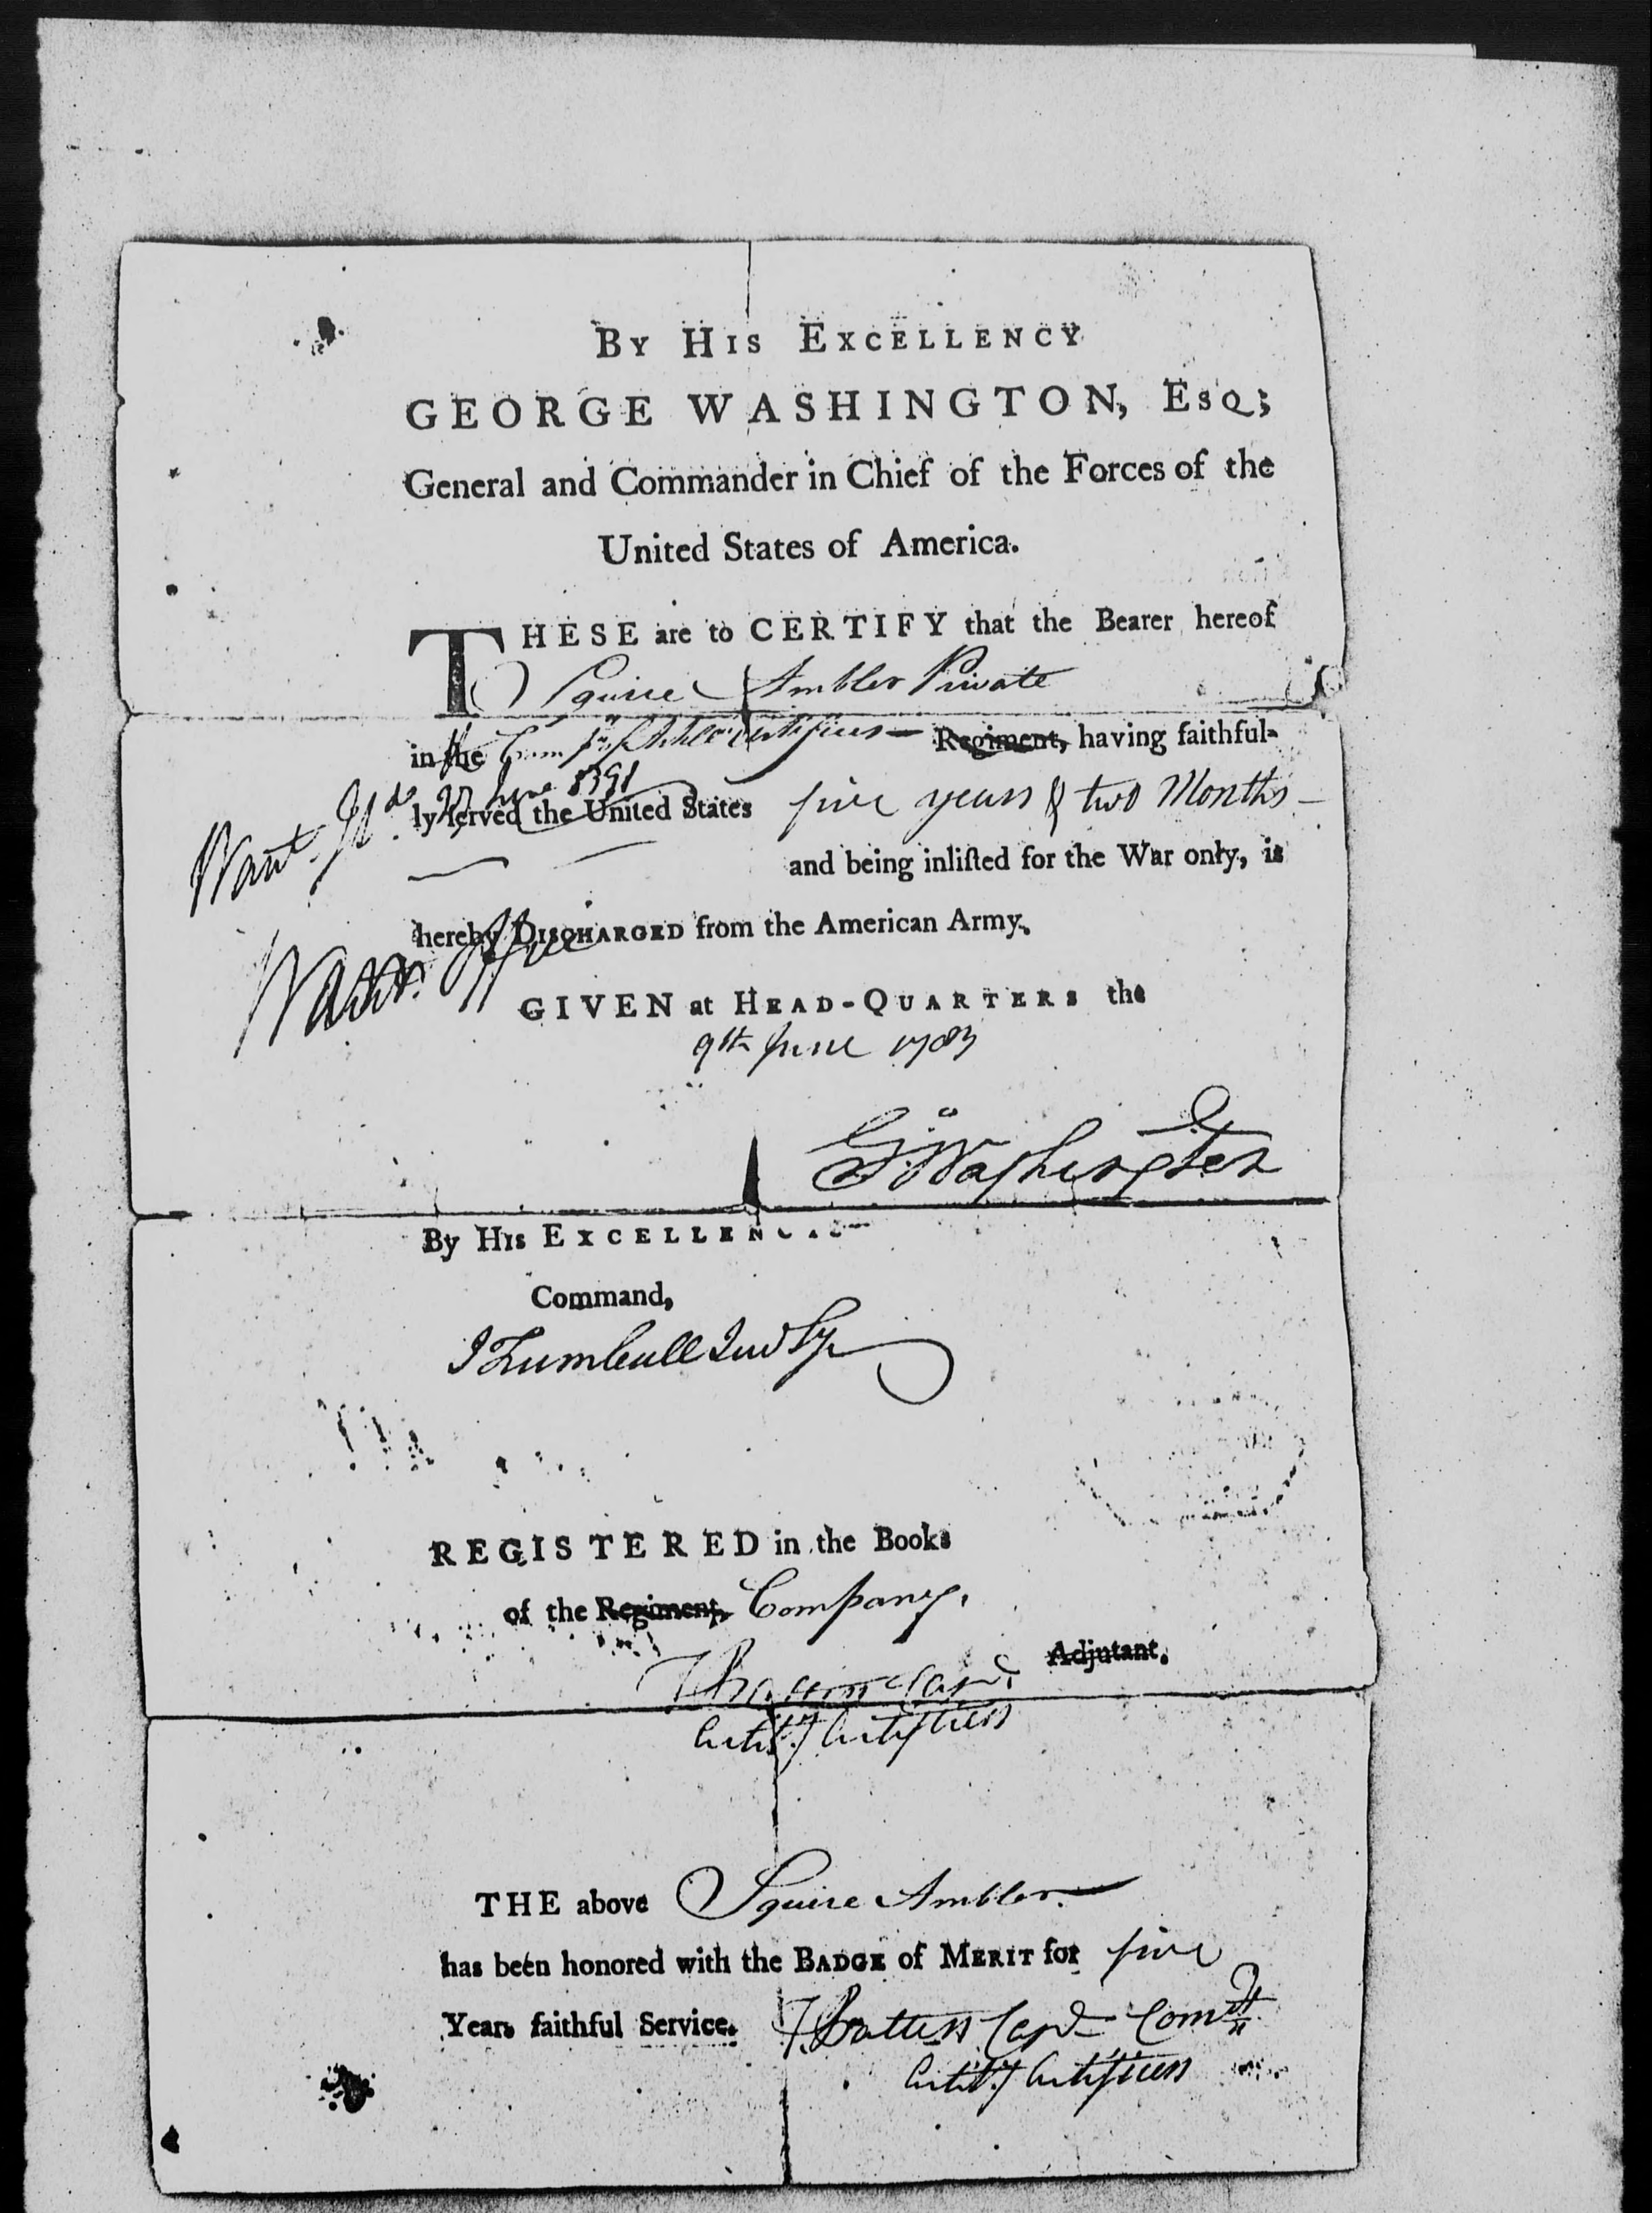By his Excellency
George Washington, Esq;
General and Commander in Chief of the Forces of the United States of America.
These are to certify that the Bearer hereof
Squire Ambler Private
in the Compy. of Artificers [crossed out: Regiment], having faithfully
served the United States five years & two months
and being inlisted for the War only, is
hereby DISCHARGED from the American Army
GIVEN at HEAD-QUARTERS the 
9th June 1783
G. Washington
By his EXCELLENCE
Command,
J Trumbull Secty.

Want GSd.
[Issd] here [illegible]391
War Office

REGISTERED in the Books
of the [crossed out: Regiment] Company,
T Pattens Capt. [crossed out: Adjutant]
Artily. Artificers
THE above Squire Ambler
has been honored with the BADGE OF MERIT for five
Years faithful Service. 
T. Pattens Capt. Comd.
Artilly. Artificers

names: Squire Ambler, Squire Ambler, J Trumbull, G Washington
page: 2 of 39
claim: widow's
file: W. 2,056, Squire Ambler, Continental (Sol. Res. In N.Y. & Conn.)